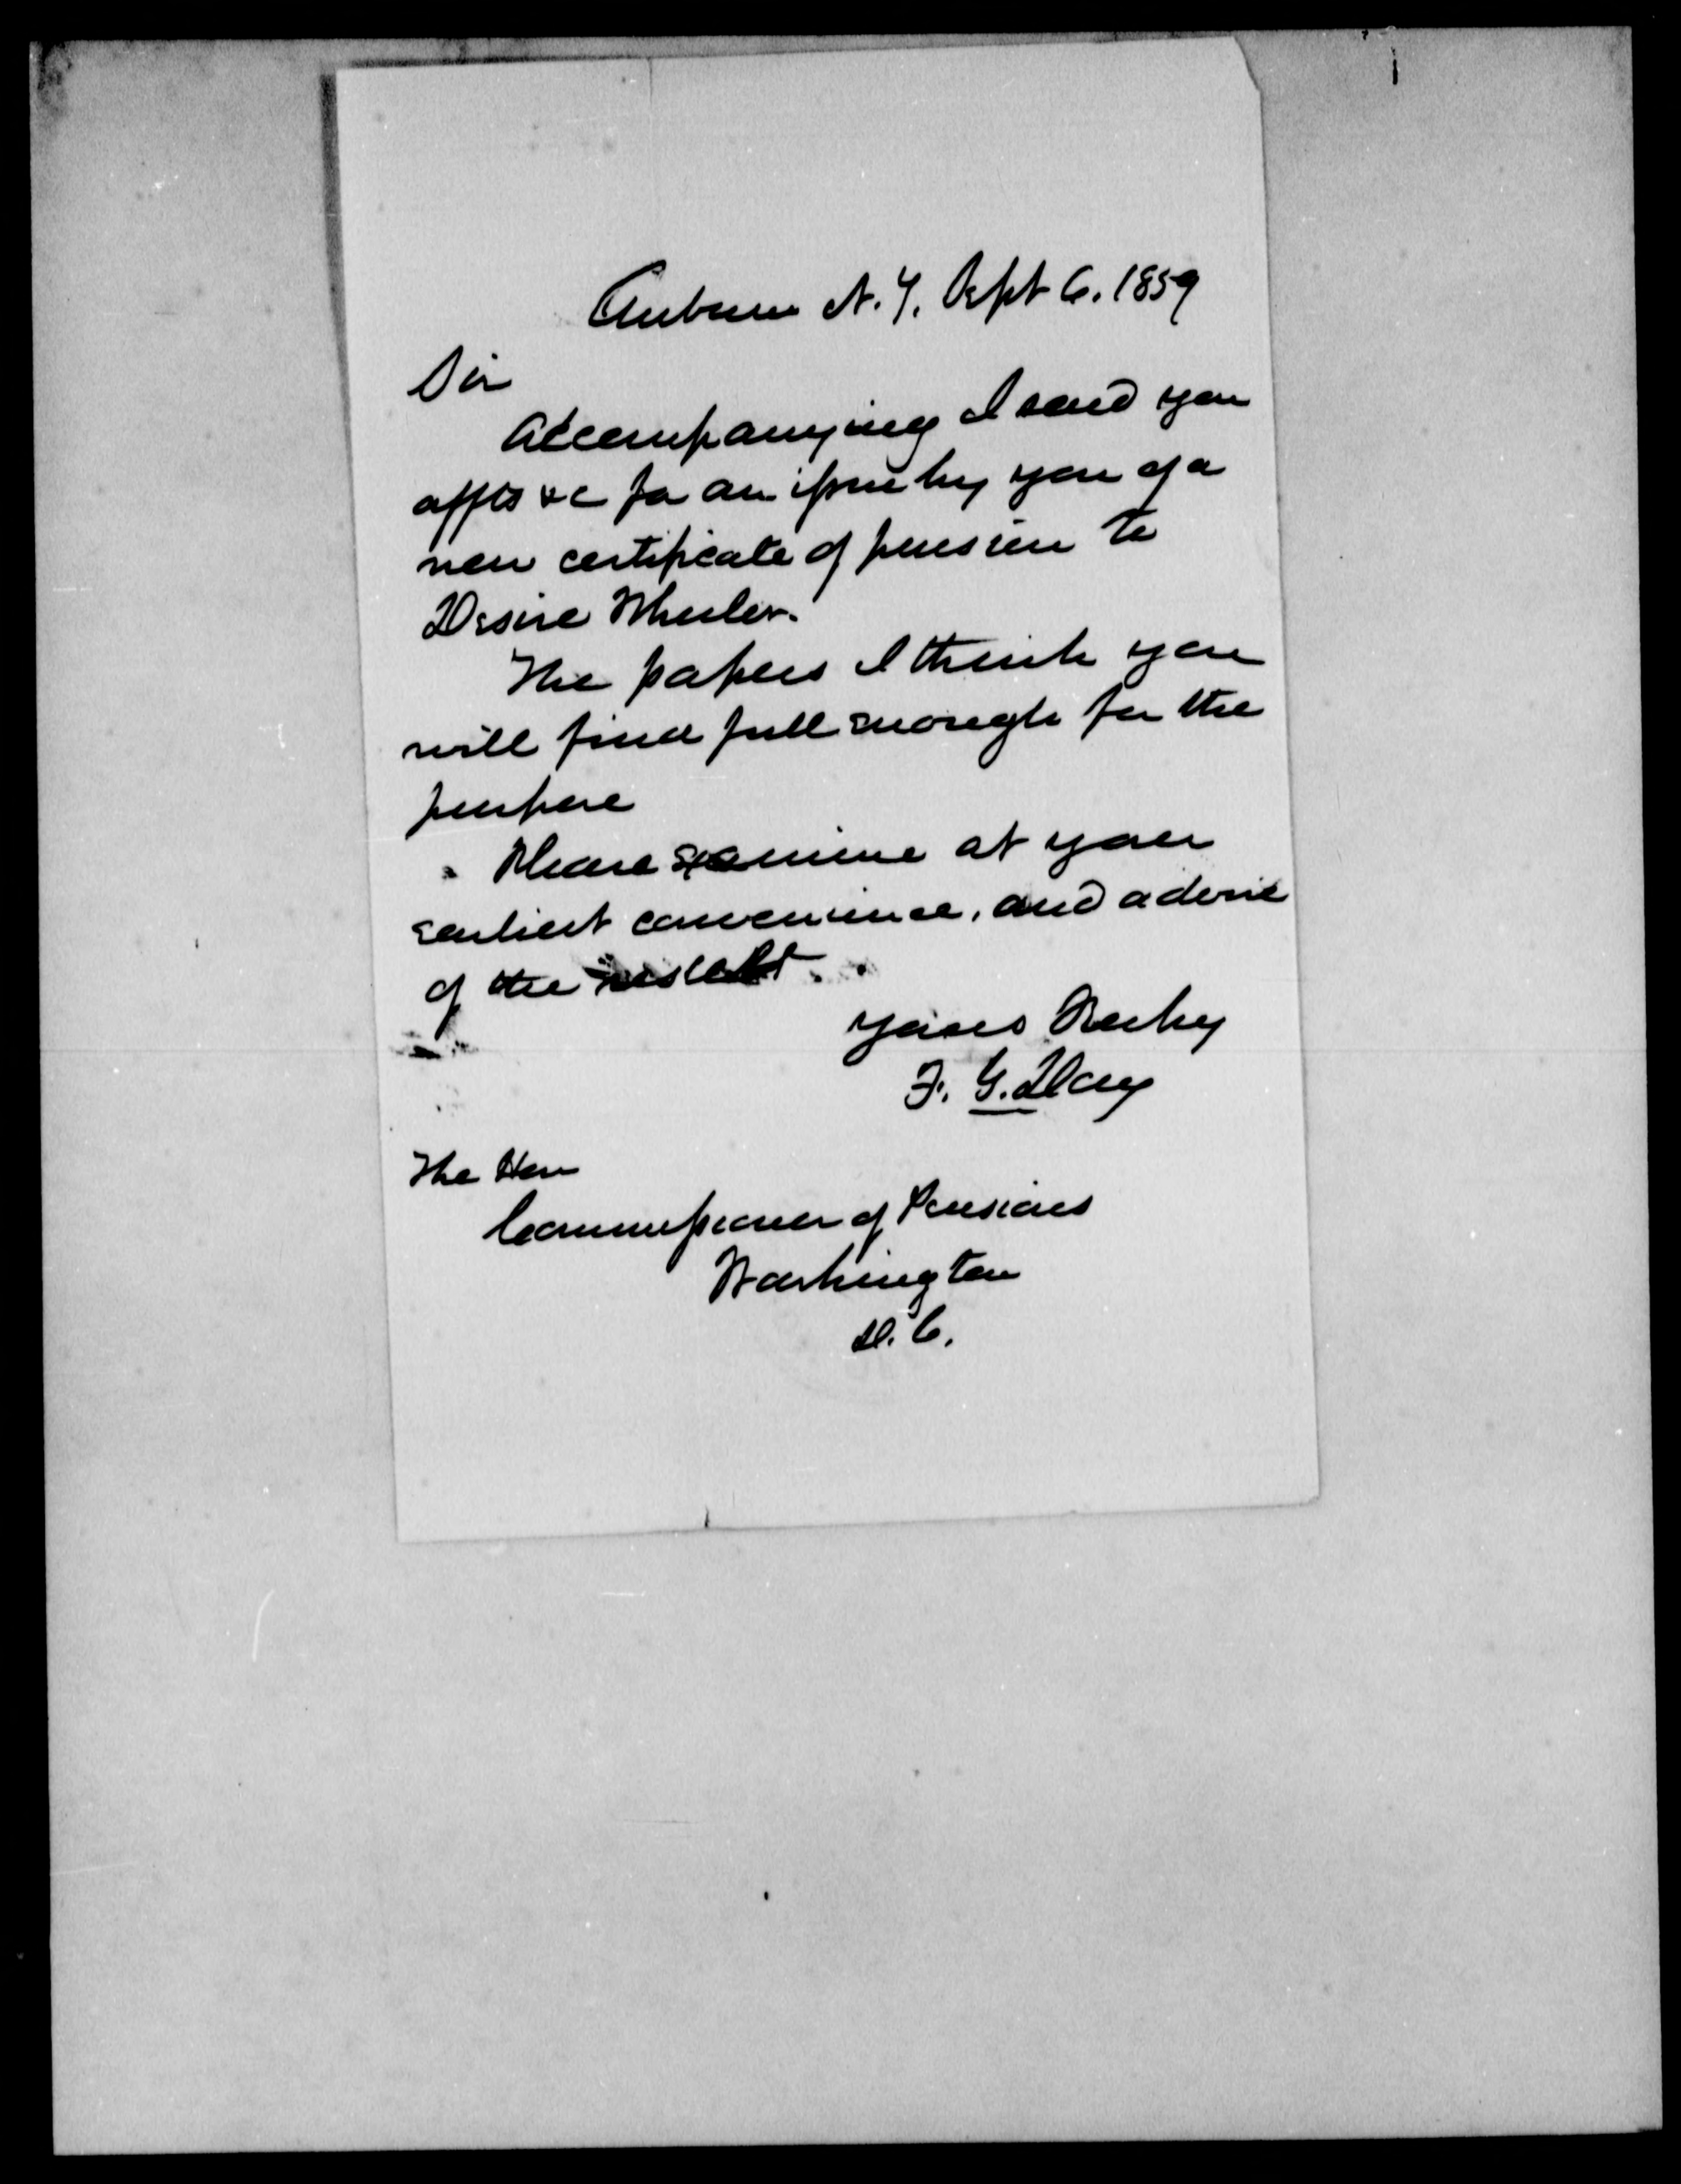Auburn N. Y. Apl. 6, 1859

Sir
Accompanying I send you affts. &c. for an issue by you of a new certificate of pension to Desire Wheeler.
The papers I think you will find full enough for the purpose.
Please examine at your earliest convenience and advise of the result.
Yours Respy.
F. G. Day

The hon. commissioner of Pensions
Washington D. C.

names: F G Day, Desire Wheeler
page: 36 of 98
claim: widow's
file: W. 1682, Valentine Wheeler, Mass.